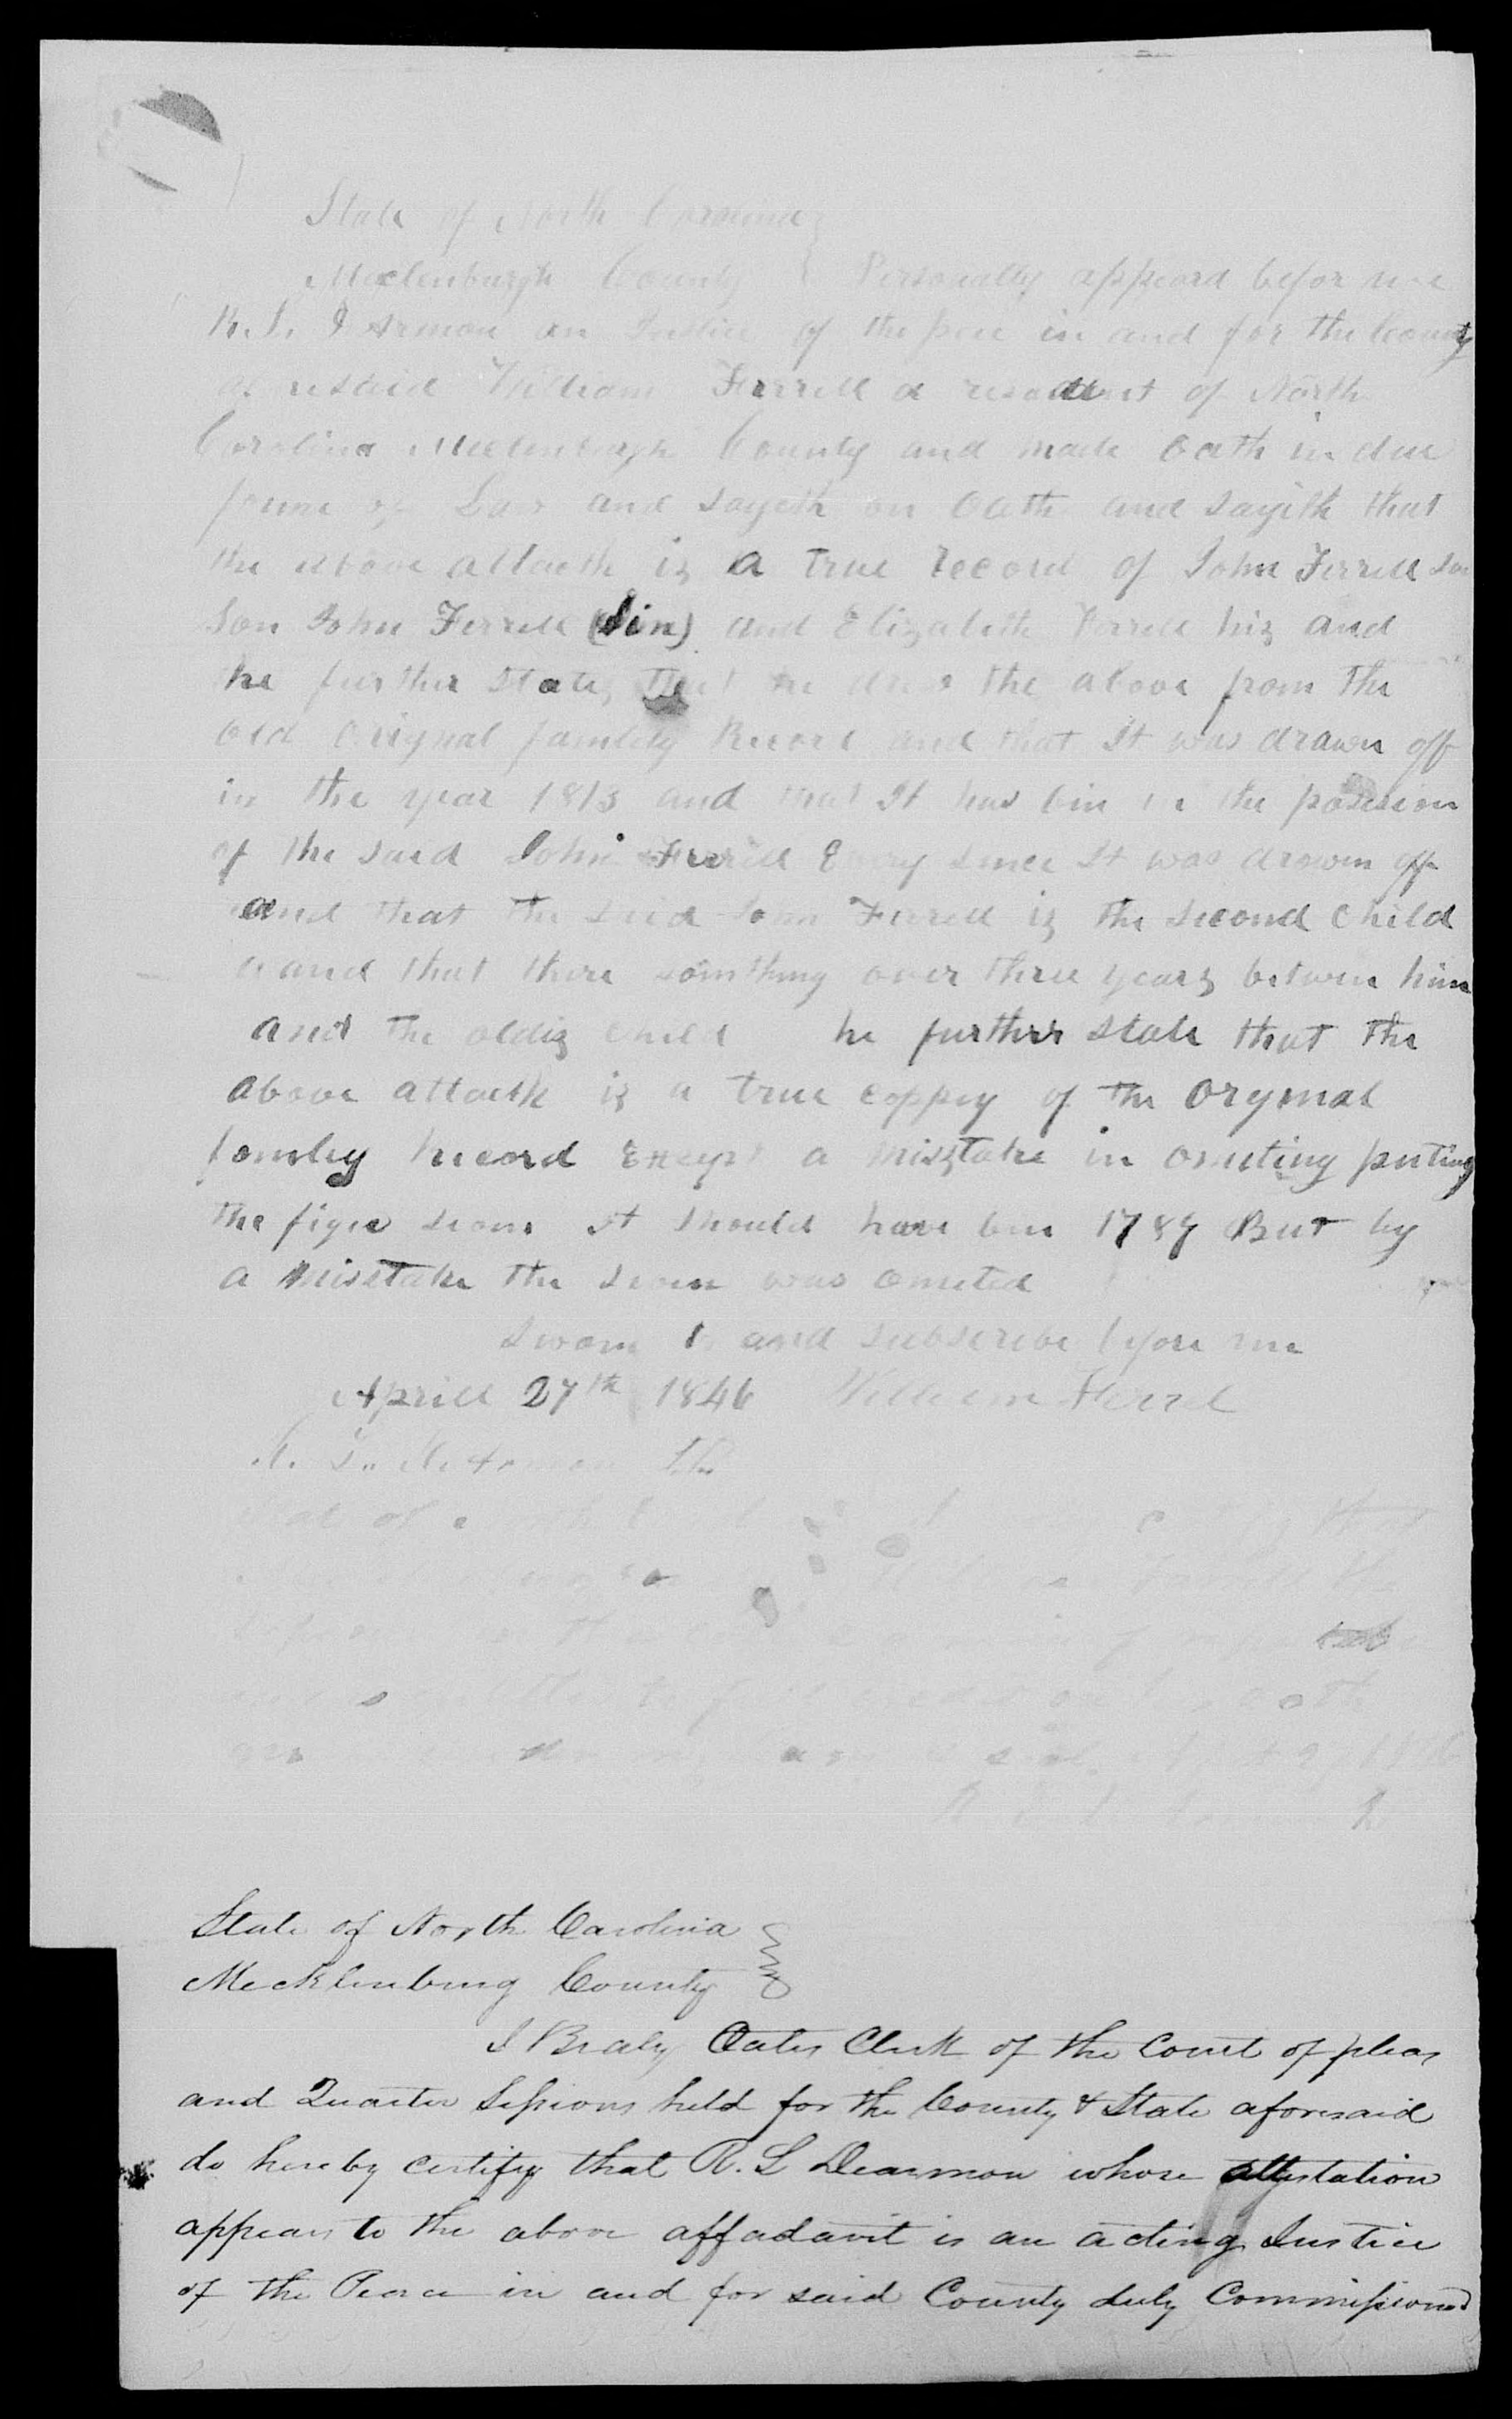State of North Carolina
Meckenburgh County
Personally appeared before me RL DeArmour an Justice of the peace in and for the County of aforesaid William Ferrell a resident of North Carolina Meckenburgh County and made oath in due :illegible: of Law an sayeth on oath and sayeth that the above attach is a true record of John Ferrell for son John Ferrell (Son) and Elizabeth Ferrell his and he further state that the :illegible: the above from the old original family record and that it was drawn off in the year 1813 and that it had bin in the possession of the said John Ferrell Every :illegible: It was drawn off and that the said John Ferrell is the second child and that there something over three years between him and the oldest child he further state that the above attach is a true coppey of the original family record except a mistake in the writing printing the figure doesn’t it should have bin 1789 but by a mistake the seven was omited.  
Sworn and subscribed before me
April 27th 1846 William Ferrel
RL DeArmour JP
State of North Carolina
Meckenburg County
I Brady Oates Clerk of the Court appear and Quarter Sepions held for the County and State aforesaid do hereby certify that RL DeArmour whose attestation appears to the above affadavit is an acting Justice of the Peace in and for said County duly Commissioned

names: John Ferrell, William Ferrel, R L De Armon, John Ferrell, R L De Armon, John Ferrill, R L Dearmon, Braly Oates, William Ferrell, Elizabeth Ferrell, John Ferrell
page: 13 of 52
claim: rejected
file: R. 3,512, John Ferrell, N.C.